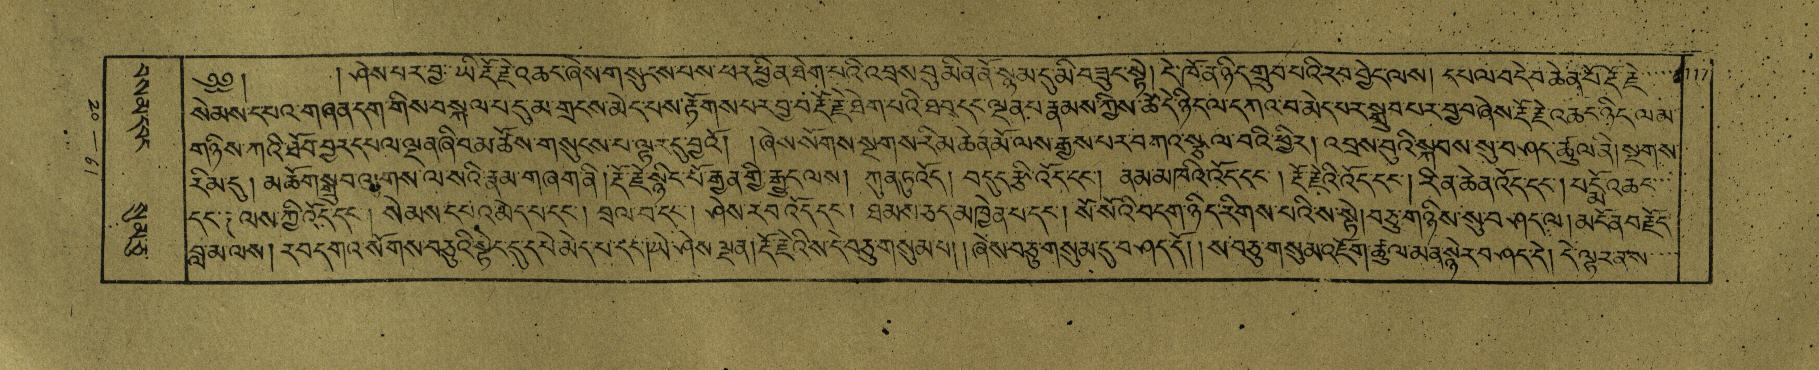༄༅། །ཤེས་པར་བྱ་ཡི་རྡོ་རྗེ་འཆང་ཞེས་གསུངས་པས་ཕར་ཕྱིན་ཐེག་པའི་འབྲས་བུ་མིན་ནོ་སྙམ་དུ་མི་བཟུང་སྟེ། དེ་ཁོ་ན་ཉིད་གྲུབ་པའི་རབ་བྱེད་ལས། དཔལ་བདེ་བ་ཆེན་པོ་རྡོ་རྗེ་
སེམས་དཔའ་གཞན་དག་གིས་བསྐལ་པ་དུ་མ་གྲངས་མེད་པས་རྟོགས་པར་བྱ་བ་རྡོ་རྗེ་ཐེག་པའི་ཐབས་དང་ལྡན་པ་རྣམས་ཀྱིས་ཚེ་དེ་ཉིད་ལ་དཀའ་བ་མེད་པར་སྒྲུབ་པར་བྱ་བ་ཞེས་རྡོ་རྗེ་འཆང་ཉིད་ལམ་
གཉིས་ཀའི་ཐོབ་བྱར་དཔལ་ལྡན་ཞི་བ་མ་ཚོས་གསུངས་པ་ལྟར་དུ་བྱའོ། །ཞེས་སོགས་སྔགས་རིམ་ཆེན་མོ་ལས་རྒྱས་པར་བཀའ་སྩལ་བའི་ཕྱིར། འབྲས་བུའི་སྐབས་སུ་བཤད་ཚུལ་ནི། སྔགས་
རིམ་དུ། མཆོག་སྒྲུབ་ལུགས་ལ་སའི་རྣམ་གཞག་ནི། རྡོ་རྗེ་སྙིང་པོ་རྒྱན་གྱི་རྒྱུད་ལས། ཀུན་ཏུ་འོད། བདུད་རྩི་འོད་དང་། ནམ་མཁའི་འོད་དང་། རྡོ་རྗེའི་འོད་དང་། རིན་ཆེན་འོད་དང་། པདམོ་འཆང་
དང༑ ལས་ཀྱི་འོད་དང་། སེམས་དཔའ་མེད་པ་དང་། བྲལ་བ་དང་། ཤེས་རབ་འོད་དང་། ཐམས་ཅད་མཁྱེན་པ་དང་། སོ་སོའི་བདག་ཉིད་རིགས་པའི་ས་སྟེ། བཅུ་གཉིས་སུ་བཤད་ལ། མངོན་བརྗོད་
བླ་མ་ལས། རབ་དགའ་སོགས་བཅུའི་སྟེང་དུ་དཔེ་མེད་པ་དང་། ཡེ་ཤེས་ལྡན། རྡོ་རྗེའི་ས་དེ་བཅུ་གསུམ་པ། །ཞེས་བཅུ་གསུམ་དུ་བཤད་དོ། །ས་བཅུ་གསུམ་འཇོག་ཚུལ་མན་སྙེར་བཤད་དེ། དེ་ལྟར་ནས་